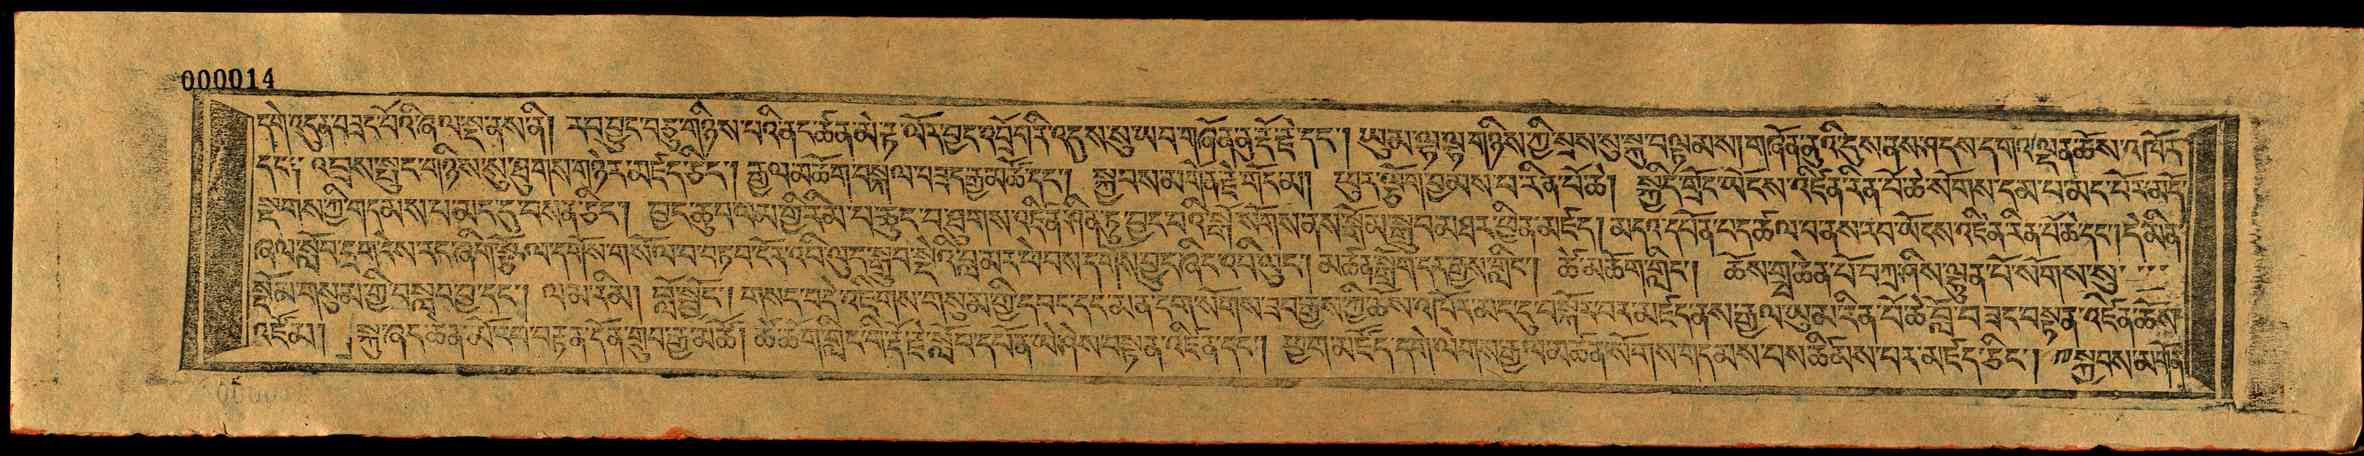དགེ་འདུན་བཟང་པོའི་ཞལ་སྔ་ནས་ནི། རབ་བྱུང་བཅུ་གཉིས་པའི་ནང་ཚན་མེ་རྟ་ལོར་བྱང་འབྲོག་རི་འདུས་སུ་ཡབ་གཞོན་ནུ་རྡོ་རྗེ་དང་། ཡུམ་ལྷ་ལྷ་གཉིས་ཀྱི་སྲས་སུ་སྐུ་བལྟམས། གཞོན་ནུའི་དུས་ནས་ཤངས་དགའ་ལྡན་ཆོས་འཁོར་
དང་། འབྲས་སྤུངས་གཉིས་སུ་ཐུགས་གཉེར་མཛད་ཅིང་། རྒྱལ་མཆོག་བསྐལ་བཟང་རྒྱ་མཚོ་དང་། སྐྱབས་མགོན་རྗེ་གོང་མ། ཕུར་ལྕོག་བྱམས་པ་རིན་པོ་ཆེ། སྐྱིད་གྲོང་ཡོངས་འཛིན་རིན་པོ་ཆེ་སོགས་དམ་པ་མང་པོར་མདོ་
སྔགས་ཀྱི་གདམས་པ་མང་དུ་བསན་ཅིང་། བྱང་ཆུབ་ལམ་གྱི་རིམ་པ་ཆུང་བ་ཐུགས་འཛིན་ཤིན་ཏུ་བྱང་བའི་སྒོ་སོགས་ནས་སྒོམ་སྒྲུབ་མཐར་ཕྱིན་མཛད། མདའ་དཔོན་པད་ཚལ་བ་ནས་རབ་ཡོངས་འཛིན་རིན་པོ་ཆེ་དང་། དེ་མིན་
ཞལ་སློབ་དྲག་ངེས་རང་ཞིག་སྩོལ་དགོས་གསོལ་བ་བཏབ་ངོར་འབི་ལུང་སྒྲུབ་སྡེའི་བླ་མར་ཕེབས་དགོས་བྱུང་ཞིང་འབི་ལུང་། མཚན་སྒྲོག་དར་རྒྱས་གླིང་། ཚེས་ཆོག་གླིང་། ཆོས་གྲྭ་ཆེན་པོ་བཀྲ་ཤིས་ལྷུན་པོ་སོགས་སུ་
སྡོམ་གསུམ་གྱི་བསླབ་བྱ་དང་། ལམ་རིམ། བློ་སྦྱོང་། གསང་བདེ་འཇིགས་གསུམ་གྱི་དབང་དང་མན་ངག་སོགས་ཟབ་རྒྱས་ཀྱི་ཆོས་འཁོར་མང་དུ་བསྐོར་བར་མཛད་ནས་རྒྱལ་ཡུམ་རིན་པོ་ཆེ་བློ་བཟང་བསྟན་འཛིན་ཆོས་
འཛོམ། སྐུ་ཞང་ཆེན་མོ་རབ་བརྟན་དོན་གྲུབ་རྒྱ་མཚོ། ཚེ་ཆོག་གླིང་གི་རྡོ་རྗེ་སློབ་དཔོན་ཡེ་ཤེས་བསྟན་འཛིན་དང་། ཕྱག་མཛོད་དགེ་ལེགས་རྒྱལ་མཚན་སོགས་གདམས་པས་ཚིམས་པར་མཛད་ཅིང་། ༧སྐྱབས་མགོན་